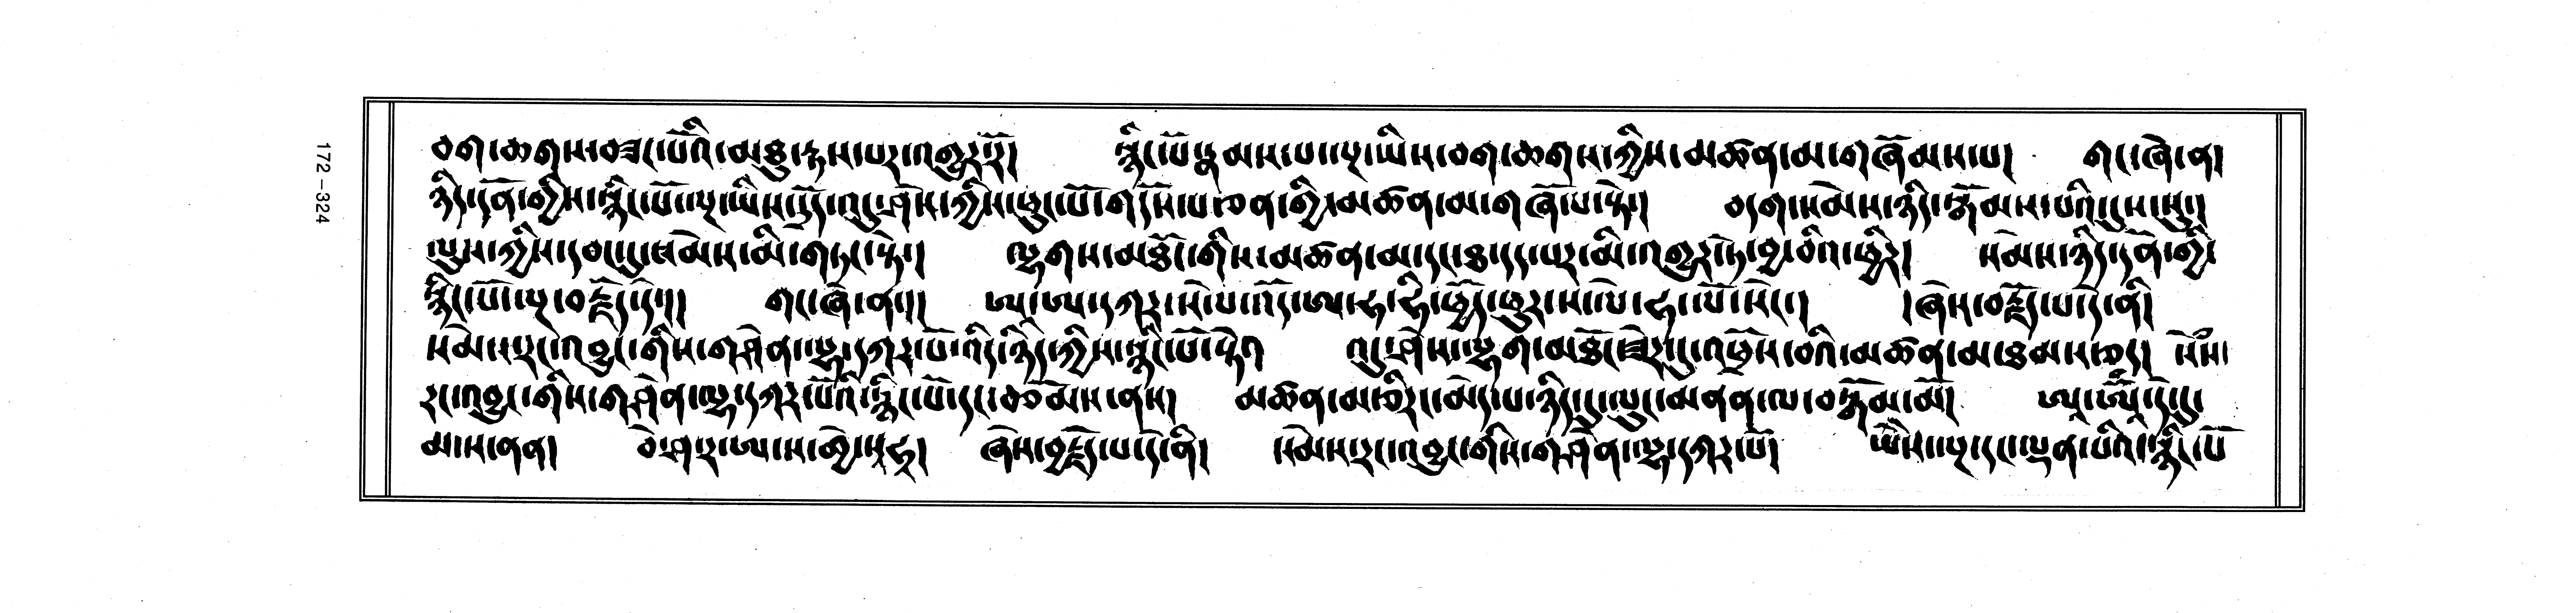བག་ཆགས་བཟང་པོའི་མཐུ་རྟས་པར་འགྱུར་རོ། སྙིང་པོ་རྣམ་པ་ལྔ་ཡིས་ཡིས་བག་ཆགས་ཀྱིས་མཚན་མ་གཞོམ་པ། གང་ཞེ་ན། 
ཉིད་དོན་གྱིས་སྙིང་པོ་ལྔ་ཡིས་དྲོད་འདུ་ཤེས་ཀྱིས་ཕུང་པོ་གདོས་པ་ཅན་གྱི་མཚན་མ་གཞོམ་སྟེ། བདག་སེམས་ཉིད་སྒོམས་པའི་དུས་སུ། 
ལུས་ཀྱིས་དབང་དུ་སེམས་མི་གཏང་སྟེ། ལྷགས་མཐོང་གིས་མཚན་མ་དང་ཐ་དད་པར་མི་འགྱུར་ཏེ་བྱ་བའི་ཕྱིར། སེམས་ཉིད་དོན་གྱི་
སྙིང་པོ་ལྔ་བརྗོད་དེ། གང་ཞེ་ན། ཨ་ཨ་དཀར་ས་ལེ་འོད་ཨ་ཧ་ཧི་ཕྱོད་ཕུར་ས་ལེ་ཧ་ལོ་སེང་། ཞེས་བརྗོད་པ་དེ་ནི། 
སེམས་རང་འབྱུང་གིས་གཤེན་ལྷ་དཀར་པོ་འདི་ཉིད་ཀྱིས་སྙིང་པོ་སྟེ། འདུ་ཤེས་ལྷག་མཐོང་ཟེར་དུ་འཕྲོས་བའི་མཚན་མ་ཐམས་ཅད། སེམས་
རང་འབྱུང་གིས་གཤེན་ལྷ་དཀར་པོའི་སྙིང་པོ་དང་བཅོམས་ནས། མཚན་མ་ཅིར་ཡང་མེད་པ་ཉིད་དུ་ལུང་མནན་ལ་བསྒོམ་མོ། ཨཱ་ཨཱོྃ་དེ་དུ་
མ་ས་ནན། བེ་ཤ་ར་ཨ་ས་གྱེ་སྭཧཱ། ཞེས་བརྗོད་པ་དེ་ནི། སེམས་རང་འབྱུང་གིས་གཤེན་ལྷ་དཀར་པོ། ཡེ་ཤེས་ལྔ་དང་ལྡན་པའི་སྙིང་པོ་